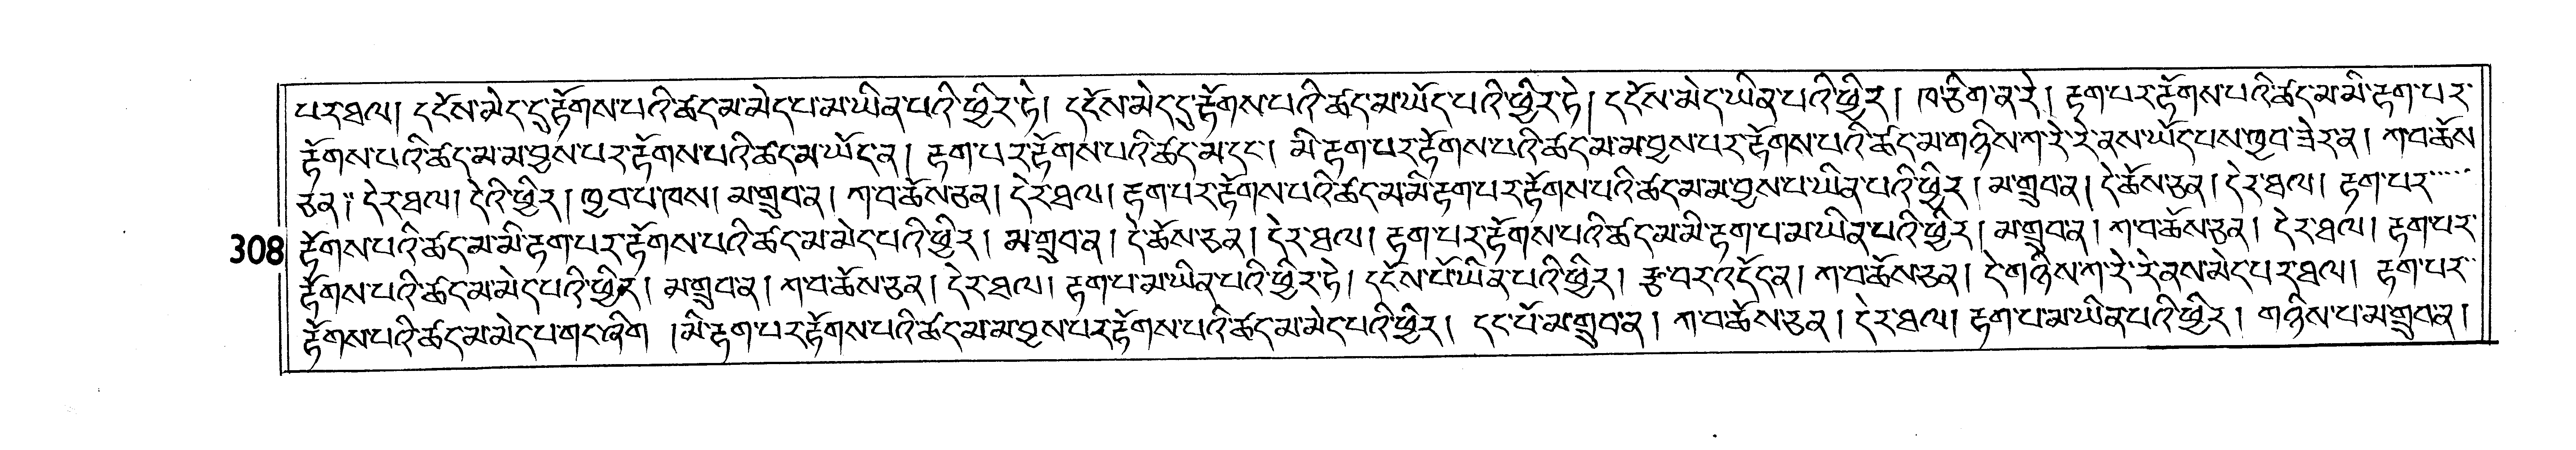པར་ཐལ། དངོས་མེད་དུ་རྟོགས་པའི་ཚད་མ་མེད་པ་མ་ཡིན་པའི་ཕྱིར་ཏེ། དངོས་མེད་དུ་རྟོགས་པའི་ཚད་མ་ཡོད་པའི་ཕྱིར་ཏེ། དངོས་མེད་ཡིན་པའི་ཕྱིར། ཁ་ཅིག་ན་རེ། རྟག་པར་རྟོགས་པའི་ཚད་མ་མི་རྟག་པར་
རྟོགས་པའི་ཚད་མ་མ་བྱས་པར་རྟོགས་པའི་ཚད་མ་ཡོད་ན། རྟག་པར་རྟོགས་པའི་ཚད་མ་དང་། མི་རྟག་པར་རྟོགས་པའི་ཚད་མ་མ་བྱས་པར་རྟོགས་པའི་ཚད་མ་གཉིས་ཀ་རེ་རེ་ནས་ཡོད་པས་ཁྱབ་ཟེར་ན། ཀ་བ་ཆོས་
ཅན༑ དེར་ཐལ། དེའི་ཕྱིར། ཁྱབ་པ་ཁས། མ་གྲུབ་ན། ཀ་བ་ཆོས་ཅན། དེར་ཐལ། རྟག་པར་རྟོགས་པའི་ཚད་མ་མི་རྟག་པར་རྟོགས་པའི་ཚད་མ་མ་བྱས་པ་ཡིན་པའི་ཕྱིར། མ་གྲུབ་ན། དེ་ཆོས་ཅན། དེར་ཐལ། རྟག་པར་
རྟོགས་པའི་ཚད་མ་མི་རྟག་པར་རྟོགས་པའི་ཚད་མ་མེད་པའི་ཕྱིར། མ་གྲུབ་ན། དེ་ཆོས་ཅན། དེར་ཐལ། རྟག་པར་རྟོགས་པའི་ཚད་མ་མི་རྟག་པ་མ་ཡིན་པའི་ཕྱིར། མ་གྲུབ་ན། ཀ་བ་ཆོས་ཅན། དེར་ཐལ། རྟག་པར་
རྟོགས་པའི་ཚད་མ་མེད་པ་ཕྱིར་།མ་གྲུབ་ན། ཀ་བ་ཆོས་ཅན། དེར་ཐལ། རྟག་པ་མ་ཡིན་པའི་ཕྱིར་ཏེ། དངོས་པོ་ཡིན་པའི་ཕྱིར། རྩ་བར་འདོད་ན། ཀ་བ་ཆོས་ཅན། དེ་གཉིས་ཀ་རེ་རེ་ནས་མེད་པར་ཐལ། རྟག་པར་
རྟོགས་པའི་ཚད་མ་མེད་པ་གང་ཞིག །མི་རྟག་པ་རྟོགས་པའི་ཚད་མ་མ་བྱས་པར་རྟོགས་པའི་ཚད་མ་མེད་པའི་ཕྱིར། དང་པོ་མ་གྲུབ་ན། ཀ་བ་ཆོས་ཅན། དེར་ཐལ། རྟག་པ་མ་ཡིན་པའི་ཕྱིར། གཉིས་པ་མ་གྲུབ་ན།